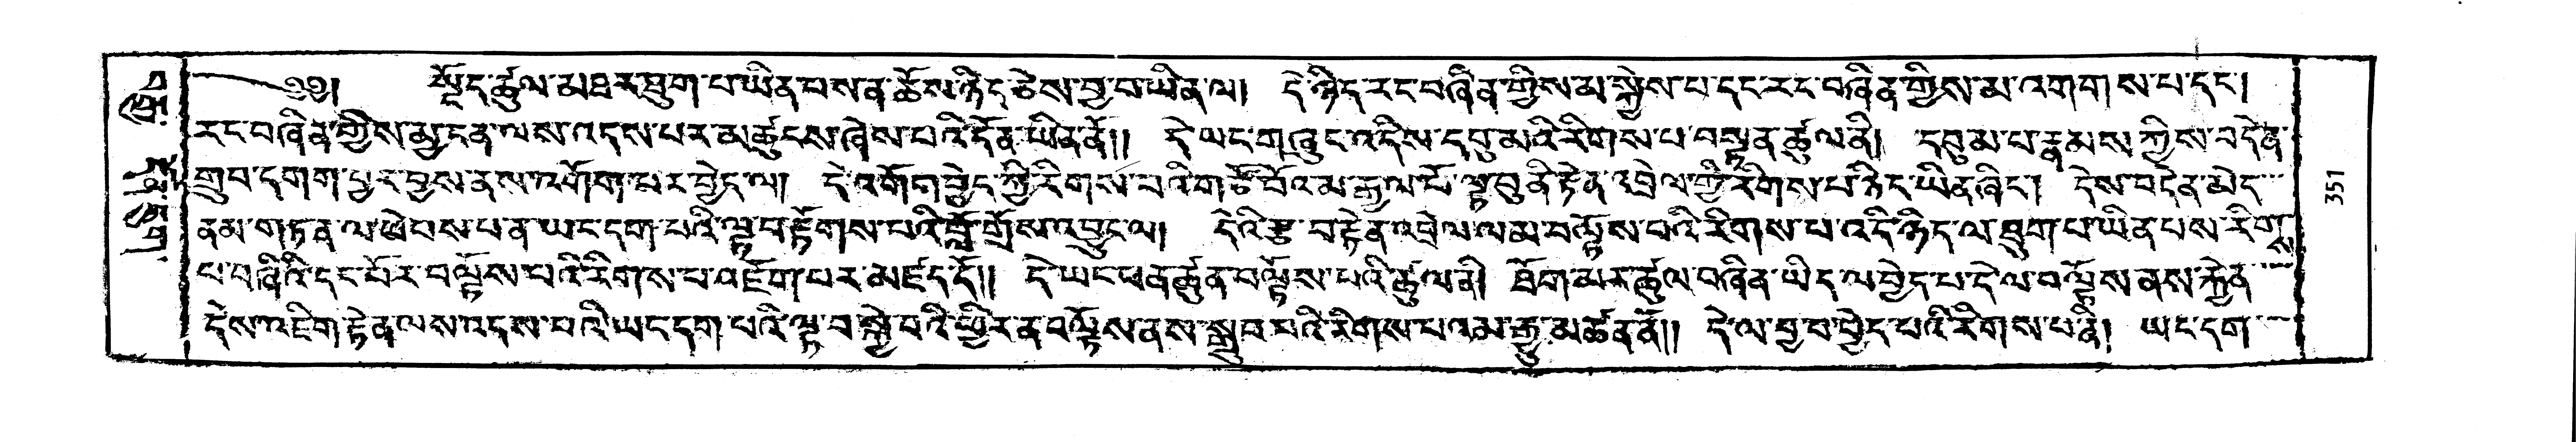༄༅། །སྡོད་ཚུལ་མཐར་ཐུག་པ་ཡིན་པས་ན་ཆོས་ཉིད་ཅེས་བྱ་བ་ཡིན་ལ། དེ་ཉིད་རང་བཞིན་གྱིས་མ་སྐྱེས་པ་དང་རང་བཞིན་གྱིས་མ་འགགས་པ་དང་།
རང་བཞིན་གྱིས་མྱ་ངན་ལས་འདས་པར་མཚུངས་ཞེས་པའི་དོན་ཡིན་ནོ།། དེ་ཡང་གཞུང་འདིས་དབུ་མའི་རིགས་པ་བསྟན་ཚུལ་ནི། དབུ་མ་པ་རྣམས་ཀྱིས་བདེན་
གྲུབ་དགག་བྱར་བྱས་ནས་འགོག་པར་བྱེད་ལ། དེ་འགོག་བྱེད་ཀྱི་རིགས་པའི་གཙོ་བོའམ་རྒྱལ་པོ་ལྟ་བུ་ནི་རྟེན་འབྲེལ་གྱི་རིགས་པ་ཉིད་ཡིན་ཞིང་། དེས་བདེན་མེད་
ནམ་གཏན་ལ་ཕེབས་པ་ན་ཡང་དག་པའི་ལྟ་བ་རྟོགས་པའི་བློ་གྲོས་འབྱུང་ལ། དེའི་རྩ་བ་རྟེན་འབྲེལ་ལམ་བལྟོས་པའི་རིགས་པ་འདི་ཉིད་ལ་ཐུག་པ་ཡིན་པས་རིགས་
པ་བཞིའི་དང་པོར་བལྟོས་པའི་རིགས་པ་འཇོག་པར་མཛད་དོ།། དེ་ཡང་ཕན་ཚུན་བལྟོས་པའི་ཚུལ་ནི། ཐོག་མར་ཚུལ་བཞིན་ཡིད་ལ་བྱེད་པ་དེ་ལ་བལྟོས་ནས་རྐྱེན་
དེས་འཇིག་རྟེན་ལས་འདས་པའི་ཡང་དག་པའི་ལྟ་བ་སྐྱེ་བའི་ཕྱིར་ན་བལྟོས་ནས་སྒྲུབ་པའི་རིགས་པའམ་རྒྱུ་མཚན་ནོ།། དེ་ལ་བྱ་བ་བྱེད་པའི་རིགས་པ་ནི། ཡང་དག་